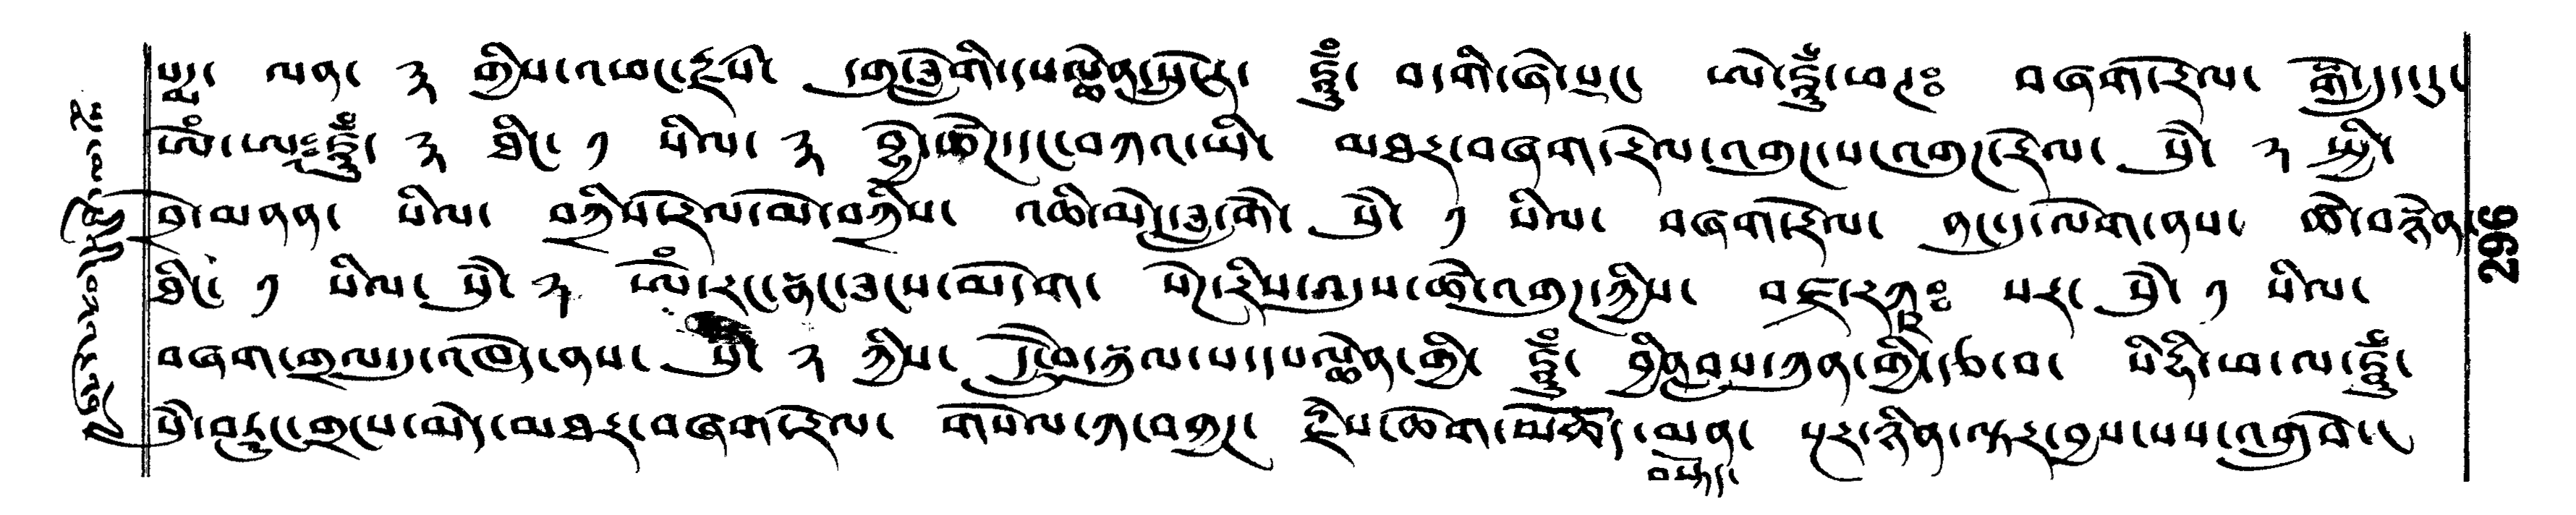པདྨ་ལན་གསུམ་གྱིས་འཕང་རྗེས། དགུ་ཟློག་གི་དཔལ་ཆེན་སྲུང་འཁོར། ཧཱུྃ༔ བདག་ཉིད་ཞེ་སྡང༴ ཨེ་ཧཱུྃ་ཕཊཿ བཞག་རོལ། སྒོ་དྲུང་དུ། 
ཨོཾ་ཨཱཿཧཱུྃ༔ གསུམ། ཐིང་གཅིག སིལ་གསུམ། བྷྱོ༔ ཚོགས་དང་བཀའ་ཡི༴ མཐར་བཞག་རོལ། འགུགས་པ། འགུགས་རོལ། སུམ་གཉིས། 
བྲོ་མནན། སིལ། བཀྲ་ཤིས་རོལ་མོ། བཀྲ་ཤིས། འཆི་མེད་ཟླ་གམ༴ སུམ་གཅིག སིལ། བཞག་རོལ། ནང་དུ་ལོག་ནས། ཚེ་བསྙེན། 
ཐིང་གཅིག སིལ། སུམ་གཉིས། ཨོཾ༔ རང་སྣང་ཟངས་མདོག༴ སོགས་རིག་འདུས་ཚེ་འགུགས་ཀྱིས། བཛྲ་རཀྵ༔ བར། སུམ་གཅིག སིལ། 
བཞག་རོལ་གྲལ་དུ་འཁོད་ནས། སུམ་གཉིས་ཀྱིས། དངོས་གྲུབ་སྐུལ་པ་དཔལ་ཆེན་གྱི། ཧཱུྃ༔ བྱིན་རླབས་ཀུན་གྱི་རྩ་བ༴ སིདྡྷི་ཕ་ལ་ཧཱུྃ༔ 
སུམ་བརྡུང་གྲངས་མེད་མཐར་བཞག་རོལ། གསོལ་ཀ་བཀྱག རྗེས་ཆོག་མཆོད་བསྟོད་མན་སྔར་ཉིན་ལྟར་བྱས་པས་འགྲུབ་བོ།།